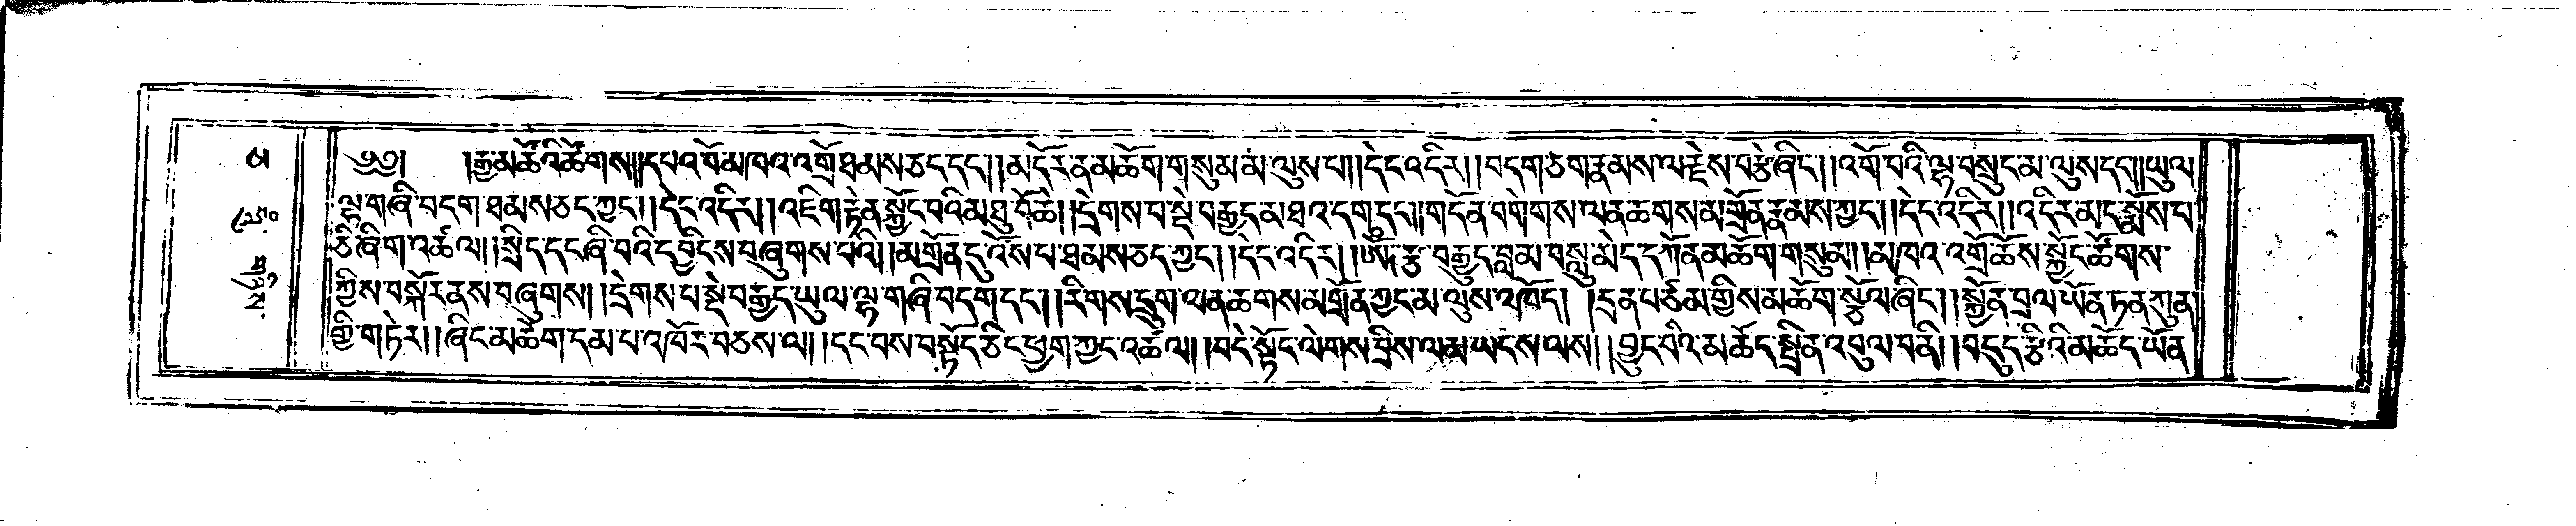༄༅། །རྒྱ་མཚོའི་ཚོགས། །དཔའ་བོ་མཁའ་འགྲོ་ཐམས་ཅད་དང་། །མདོར་ན་མཆོག་གསུམ་མ་ལུས་པ། །དེང་འདིར། །བདག་ཅག་རྣམས་ལ་རྗེས་བརྩེ་ཞིང་། །འགོ་བའི་ལྷ་བསྲུང་མ་ལུས་དང་། །ཡུལ་
ལྷ་གཞི་བདག་ཐམས་ཅད་ཀྱང་། །དེང་འདིར། །འཇིག་རྟེན་སྐྱོང་བའི་མཐུ་བོ་ཆེ། །དྲེགས་པ་སྡེ་བརྒྱད་མཐའ་དག་དང་། །གདོན་བགེགས་ལན་ཆགས་མགྲོན་རྣམས་ཀྱང་། །དེང་འདིར། །འདིར་མང་སྨོས་པ་
ཅི་ཞིག་འཚལ། །སྲིད་དང་ཞི་བའི་དབྱིངས་བཞུགས་པའི། །མགྲོན་དུ་འོས་པ་ཐམས་ཅད་ཀྱང་། །དེང་འདིར། །ཨོཾ༑ རྩ་བརྒྱུད་བླ་མ་བསླུ་མེད་དཀོན་མཆོག་གསུམ། །མཁའ་འགྲོ་ཆོས་སྐྱོང་ཚོགས་
ཀྱིས་བསྐོར་ནས་བཞུགས། །དྲེགས་པ་སྡེ་བརྒྱད་ཡུལ་ལྷ་གཞི་བདག་དང་། །རིགས་དྲུག་ལན་ཆགས་མགྲོན་ཀྱང་མ་ལུས་འཁོད། །དྲན་པ་ཙམ་གྱིས་མཆོག་སྩོལ་ཞིང་། །སྐྱོན་བྲལ་ཡོན་ཏན་ཀུན་
གྱི་གཏེར། །ཞིང་མཆོག་དམ་པ་འཁོར་བཅས་ལ། །དང་བས་བསྟོད་ཅིང་ཕྱག་ཀྱང་འཚལ། །བདེ་སྟོང་ལེགས་བྲིས་ལམ་ཡངས་ལས། །བྱུང་བའི་མཆོད་སྤྲིན་འབུལ་བ་ནི། །བདུད་རྩིའི་མཆོད་ཡོན་